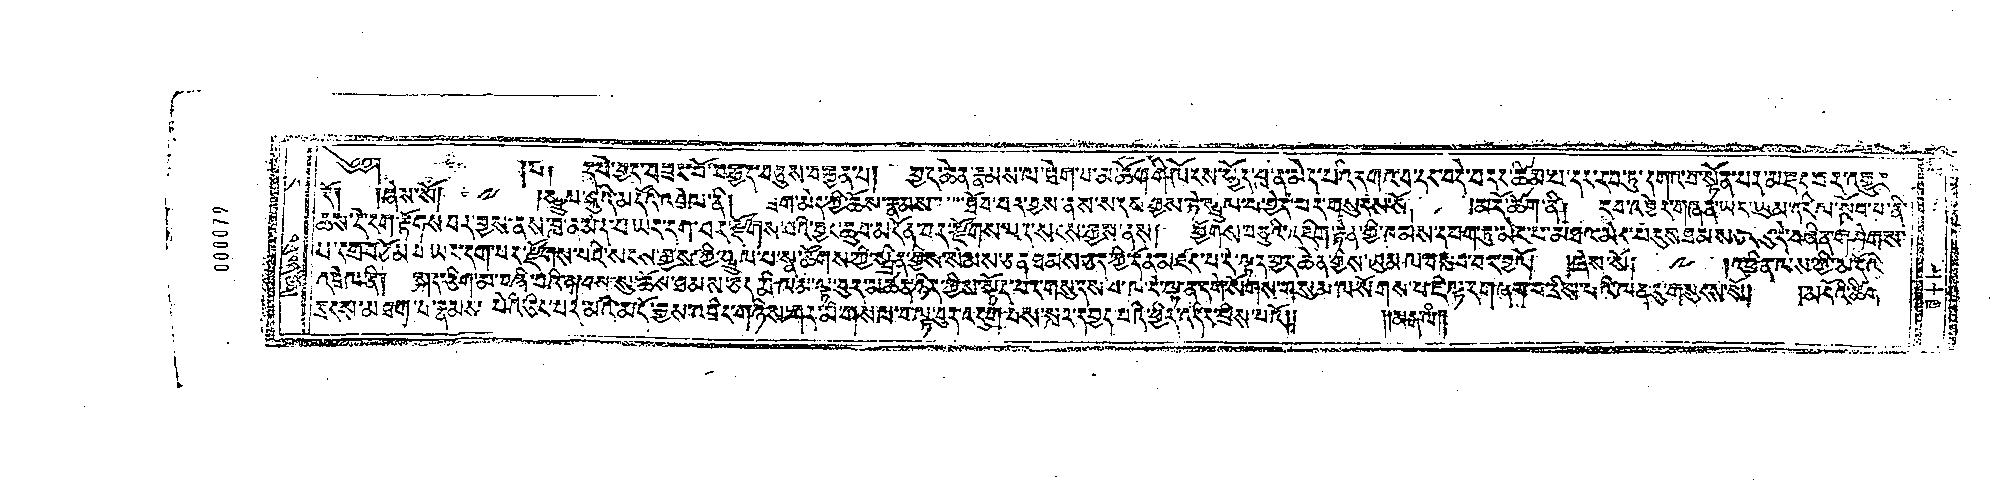༄༅། །པ། དཔེ་བྱད་བཟང་པོ་བརྒྱད་བཅུས་བརྒྱན་པ། བྱང་ཆེམ་རྣམས་ལ་ཐེག་པ་མཆོག་གི་ལོངས་སྤྱོད་བླ་ན་མེད་པའི་དགའ་བ་དང་བདེ་བ་དང་ཚིམ་པ་དང་རབ་ཏུ་དགའ་བ་སྟོན་པར་མཛད་པར་འགྱུར་
ངོ། །ཞེས་སོ། ༧་།སྤྲུལ་སྐུའི་མདོའི་འབྲེལ་ནི། ཟག་མེད་ཀྱི་ཆོས་རྣམས་ཐོབ་པར་བྱས་ནས་སངས་རྒྱས་ཏེ་སྤྲུལ་པ་བྱེད་པར་གསུངས་སོ། །མདོ་ཚིག་ནི། རབ་འབྱོར་གཞན་ཡང་ཡུམ་འདི་ལ་སློབ་པ་ནི་
ཆོས་དེ་དག་རྟོགས་པར་བྱས་ནས་བླ་ན་མེད་པ་ཡང་དག་པར་རྫོགས་པའི་བྱང་ཆུབ་མངོན་པར་རྫོགས་པར་སངས་རྒྱས་ནས། ཕྱོགས་བཅུའི་འཇིག་རྟེན་གྱི་ཁམས་དཔག་ཏུ་མེད་པ་མཐའ་མེད་པ་དུས་ཐམས་ཅད་དུ་དེ་བཞིན་གཤེགས་
པ་དགྲ་བཅོམ་པ་ཡང་དག་པར་རྫོགས་པའི་སངས་རྒྱས་ཀྱི་སྤྲུལ་པ་སྣ་ཚོགས་ཀྱི་སྤྲིན་གྱིས་སེམས་ཅན་ཐམས་ཅད་ཀྱི་དོན་མཛད་པ་དེ་ལྟར་བྱང་ཆེན་གྱིས་ཡུམ་ལ་བསླབ་པར་བྱའོ། །ཞེས་སོ། ༧་།འཕྲིན་ལས་ཀྱི་མདོའི་
འབྲེལ་ནི། སྐད་ཅིག་མ་བཞི་བའི་སྐབས་སུ་ཆོས་ཐམས་ཅད་རྨི་ལམ་ལྟ་བུར་མཚན་ཉིད་ཀྱིས་སྟོང་པར་གསུངས་པ་ལ་དེ་ལྟ་ན་དགེ་སོགས་གསུམ་ལ་སོགས་པ་ཇི་ལྟར་གཞག་པ་དྲིས་པའི་ལན་དུ་གསུངས་སོ། །མདོའི་ཚིག་
དྲངས་མ་ཐག་པ་རྣམས་པའི་ཅིང་པར་མའི་མདོ་རྒྱས་འབྲིང་གཉིས་ཀར་མི་གསལ་བ་ལྟ་བུར་འདུག་པས་སླར་དཔྱད་པའི་ཕྱིར་འདིར་བྲིས་པའོ།། །།མངྒ་ལཾ།།